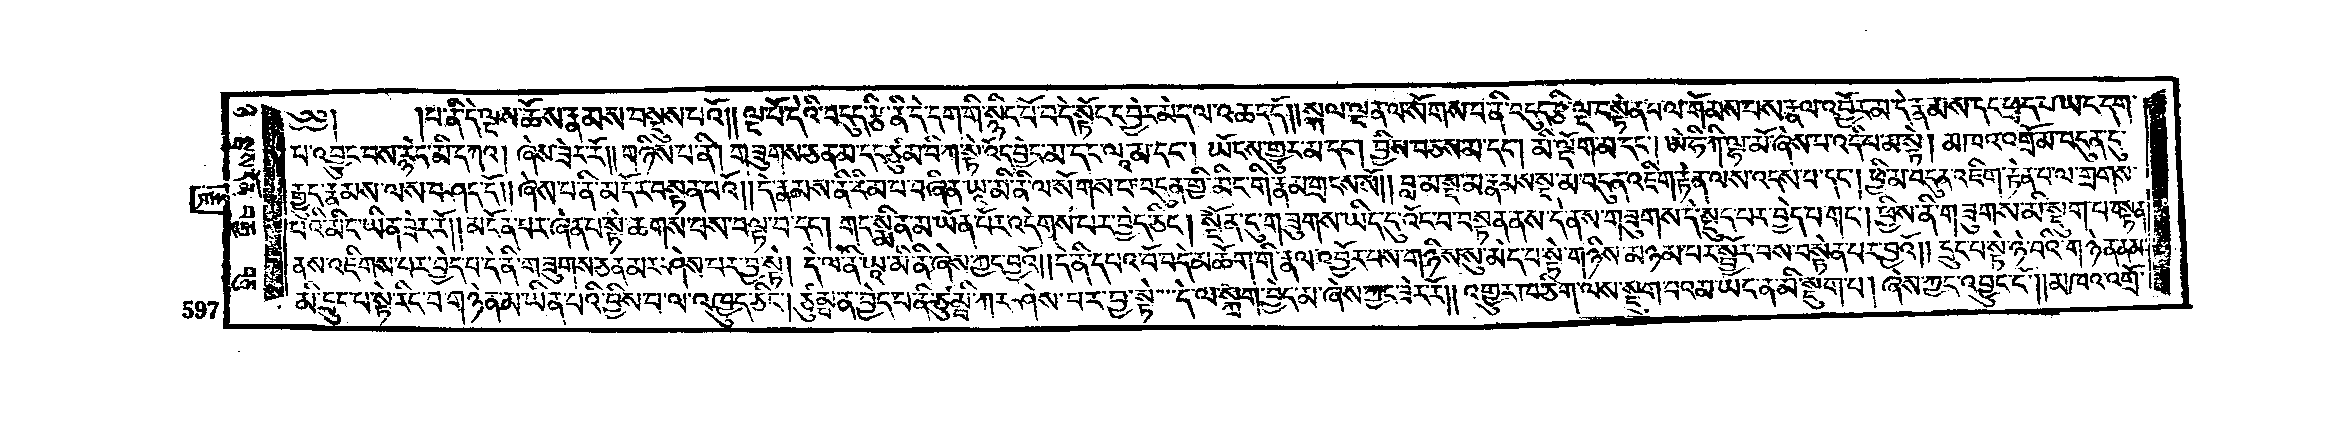༄༅། །པ་ནི་དེ་ལྔས་ཆོས་རྣམས་བསྡུས་པའོ། །ལྔ་པོ་དེའི་བདུད་རྩི་ནི་དེ་དག་གི་སྙིང་པོ་བདེ་སྟོང་དབྱེར་མེད་ལ་འཆད་དོ། །སྐལ་ལྡན་ལ་སོགས་པ་ནི་བདུད་རྩི་ལྔ་བསྟེན་པ་ལ་གོམས་པས་རྣལ་འབྱོར་མ་དེ་རྣམས་དང་ཕྲད་པ་ཡང་དག་
པ་འབྱུང་བས་རྙེད་མི་དཀའ། ཞེས་ཟེར་རོ། །གཉིས་པ་ནི། གཟུགས་ཅན་མ་དང་ཙུམ་བི་ཀ་སྟེ་འོད་བྱེད་མ་དང་ལཱ་མ་དང་། ཡོངས་གྱུར་མ་དང་། བྱིས་བཅས་མ་དང་། མི་ལྡོག་མ་དང་། ཨེ་ཧི་ཀི་ལྷ་མོ་ཞེས་པ་འདི་པ་མ་སྟེ། མཁའ་འགྲོ་མ་བདུན་དུ་
རྒྱུད་རྣམས་ལས་བཤད་དོ། །ཞེས་པ་ནི་མདོར་བསྟན་པའོ། །དེ་རྣམས་ནི་རིམ་པ་བཞིན་ཡཱ་མི་ནི་ལ་སོགས་པ་བདུན་གྱི་མིང་གི་རྣམ་གྲངས་སོ། །བླ་མ་སྔ་མ་རྣམས་སྔ་མ་བདུན་འཇིག་རྟེན་ལས་འདས་པ་དང་། ཕྱི་མ་བདུན་འཇིག་རྟེན་པ་ལ་གྲགས་
པའི་མིང་ཡིན་ཟེར་རོ། །མངོན་པར་ཞེན་པ་སྟེ་ཆགས་པས་བལྟ་བ་དང་། གང་སྨིན་མ་ཡོན་པོར་འདེགས་པར་བྱེད་ཅིང་། སྔོན་དུ་གཟུགས་ཡིད་དུ་འོང་བ་བསྟན་ནས་དེ་ནས་གཟུགས་དེ་སྡུད་པར་བྱེད་པ་གང་། ཕྱིས་ནི་གཟུགས་མི་སྡུག་པ་བསྟན་
ནས་འཇིགས་པར་བྱེད་པ་དེ་ནི་གཟུགས་ཅན་མར་ཤེས་པར་བྱ་སྟེ། དེ་ལ་ནི་ཡཱ་མི་ནི་ཞེས་ཀྱང་བྱའོ། །དེ་ནི་དཔའ་བོ་བདེ་མཆོག་གི་རྣལ་འབྱོར་པས་གཉིས་སུ་མེད་པ་སྟེ་གཉིས་མཉམ་པར་སྦྱོར་བས་བསྟེན་པར་བྱའོ། །དྲུང་པ་སྟེ་ཉེ་བའི་གཉེན་ནམ་
མི་དྲུང་པ་སྟེ་རིང་བ་གཉེན་མ་ཡིན་པའི་བྱིས་པ་ལ་འཁྱུད་ཅིང་། ཙུམྦ་ན་བྱེད་པ་ནི་ཙུམྦི་ཀར་ཤེས་པར་བྱ་སྟེ་དེ་ལ་སྐྲག་བྱེད་མ་ཞེས་ཀྱང་ཟེར་རོ། །འགྱུར་ཁ་ཅིག་ལས་སྡུག་པའམ་ཡང་ན་མི་སྡུག་པ། ཞེས་ཀྱང་འབྱུང་ངོ། །མཁའ་འགྲོ་